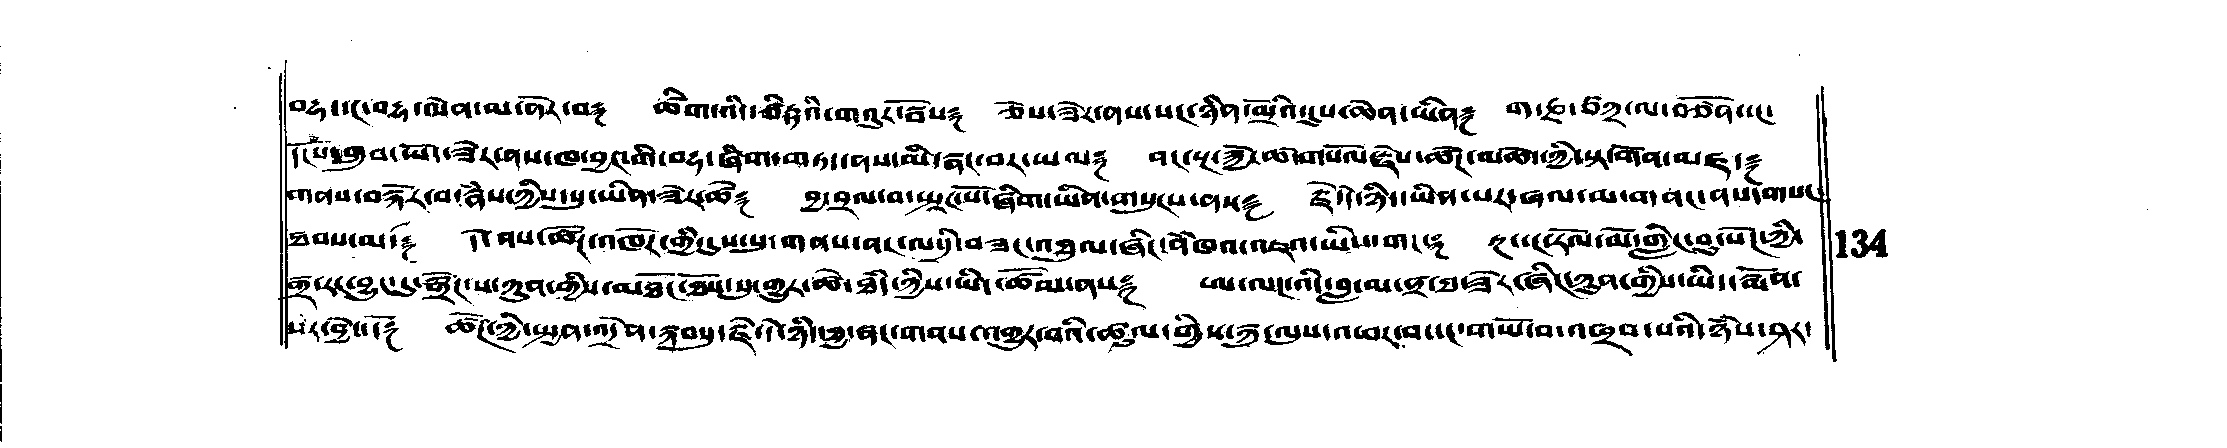།བརྡ་དང་བརྡ་ལེན་མ་ནོར་བ། །ཚིག་འདི་ཙིཏྟའི་གའུར་སྦོས། །ཅེས་ཟེར་ནས་སང་ཉིན་མཁའ་འགྲོ་དུས་ཆེན་ཡིན། ག་ཎ་ཙཀྲ་ལ་བཙོན་དང་
དངོས་གྲུབ་ཡོད་ཟེར་ནས་ཁ་བྱང་གི་བརྡ་ཞིག་གཏད་ནས་མི་སྣང་བར་ཡལ།ནངས་སྔ་སྐྱོ་ཚ་གསོལ་རྗེས་ཚོགས་མཆོད་ཀྱི་སྟ་གོན་མཛད། 
གནས་བསྐོར་བ་རྣམས་ཀྱིས་སུ་ཡིན་ཟེར་ཚེ། བྱ་བྲལ་བ་སྤྲང་པོ་ཞིག་ཡིན་གསུངས་ནས། རྗེ་དེ་ཉིད་ཡིན་པར་ཞལ་མ་གནང་ནས་གསང་
ཐབས་མཛད། དེ་ནས་ཚོགས་འཁོར་གྱི་དུས་སུ་གནས་ནང་ལ་དྲི་བཟང་འཐུལ་ཞིང་ནམ་མཁའ་འཇའ་ཡིས་གང་། རྔ་དང་རོལ་མོ་གླིང་བུ་སོགས་ཀྱི་
སྒྲ་རང་བྱུང་སྒྲོག་པ་ཀུན་གྱི་མཐོང་ཐོས་སུ་གྱུར་ཚེ་ཐམས་ཅད་ཀྱིས་ཡིད་ཚོམ་ནས། ཨ་ལགས་འདི་བླ་མ་ཧྲ་ཐ་ཟེར་ཞིང་ཀུན་གྱིས་ཡིད་སྨོན་
པར་བྱེད་དོ། ཚོགས་ཀྱི་སྤྱན་འདྲེན་སྐབས་སུ་རྗེ་དེ་ཉིད་ཐུགས་སྣང་གནས་འགྱུར་བའི་ཚུལ་གྱིས་ཀུ་ལུས་འཕར་བ་དང་གཡོ་བ་འཁྲབ་པའི་ཉམས་ཤར་